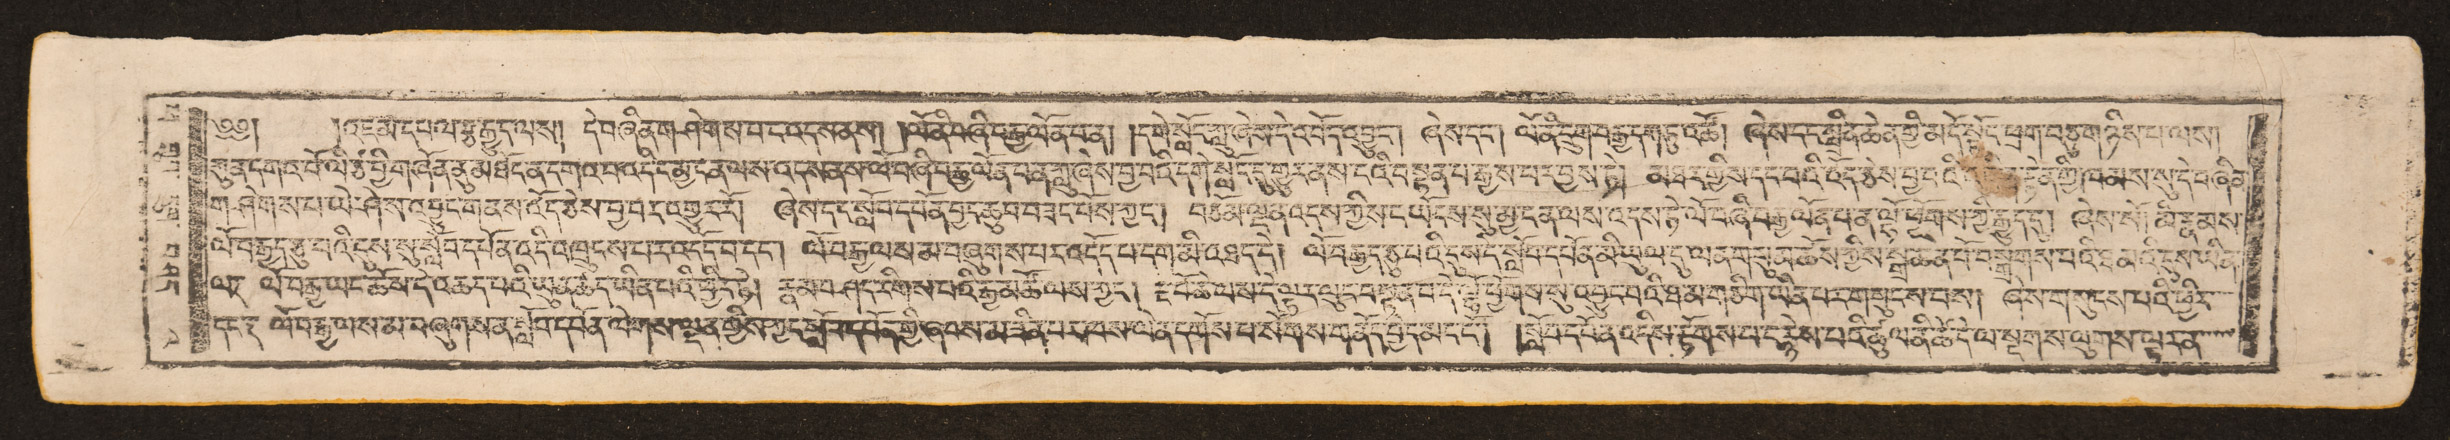༄༅། །འཇམ་དཔལ་རྩ་རྒྱུད་ལས། དེ་བཞིན་གཤེགས་པ་ང་འདས་ནས། །ལོ་ནི་བཞི་བརྒྱ་ལོན་པ་ན། །དགེ་སློང་ཀླུ་ཞེས་དེ་འབོད་འབྱུང་། ཞེས་དང་། ལོ་ནི་དྲུག་བརྒྱ་དག་ཏུ་འཚོ། ཞེས་དང་སྤྲིན་ཆེན་གྱི་མདོ་སྟོང་ཕྲག་བཅུ་གཉིས་པ་ལས།
ཀུན་དགའ་པོ་ལི་ཙ་བྱི་གཞོན་ནུ་མཐོང་ན་དགའ་བ་འདིར་མྱ་ངན་ལས་འདས་ནས་ལོ་བཞི་བརྒྱ་ལོན་བ་ན་ཀླུ་ཞེས་བྱ་བའི་དགེ་སློང་དུ་གྱུར་ནས་ངའི་བསྟན་པ་རྒྱས་པར་བྱས་ཏེ། མཐར་གྱིས་དང་བའི་འོད་ཅེས་བྱ་བའི་འཇིག་རྟེན་གྱི་ཁམས་སུ་དེ་བཞིན་
གཤེགས་པ་ཡེ་ཤེས་འབྱུང་གནས་འོད་ཅེས་བྱ་བར་འགྱུར་རོ། ཞེས་དང་སློབ་དཔོན་བྱང་ཆུབ་བཟང་པོས་ཀྱང་། བཅོམ་ལྡན་འདས་ཀྱིས་ང་ཡོངས་སུ་མྱ་ངན་ལས་འདས་ཏེ་ལོ་བཞི་བརྒྱ་ལོན་བ་ན་ལྷོ་ཕྱོགས་ཀྱི་རྒྱུད་དུ། ཞེས་སོ། མི་རྣམས་
ལོ་བརྒྱད་ཅུ་བའི་དུས་སུ་སློབ་དཔོན་འདི་འཁྲུངས་པར་འདོད་པ་དང་། ལོ་བརྒྱ་ལས་མ་བཞུགས་པར་འདོད་པ་དག་མི་འཐད་དེ། ལོ་བརྒྱད་ཅུ་པའི་དུས་དེ་སློབ་དཔོན་མི་ཡུལ་དུ་ལན་གསུམ་ཆོས་ཀྱིས་སྒྲ་ཆེན་པོ་བསྒྲགས་པའི་ཐ་མའི་དུས་ཡིན་
ལ༑ ལོ་བརྒྱ་ཡང་ཆོས་དེ་འཆད་པའི་ཡུན་ཚད་ཡིན་པའི་ཕྱིར་ཏེ། རྣམ་བཤད་རིགས་པའི་རྒྱ་མཚོ་ལས་ཀྱང་། རྔ་བོ་ཆེ་ལས་དེ་ལྟར་ལུང་བསྟན་པ་དེ་ལྷོ་ཕྱོགས་སུ་འབྱུང་བའི་ཐ་མ་གཅིག་ཡིན་པར་གསུངས་པས། ཞེས་གསུངས་པའི་ཕྱིར་
དང༑ ལོ་བརྒྱ་ལས་མ་བཞུགས་ན་སློབ་དཔོན་ལེགས་ལྡན་གྱིས་ཀྱང་སློབ་དཔོན་གྱི་ཞབས་མ་ཟིན་པར་ཁས་ལེན་དགོས་པ་སོགས་གནོད་བྱེད་མང་ངོ། །སློབ་དཔོན་འདིས་རྟོགས་པ་ང་རྙེས་པའི་ཚུལ་ནི་ཚེ་དེ་ལ་སྔགས་ལུགས་ལྟར་ན་